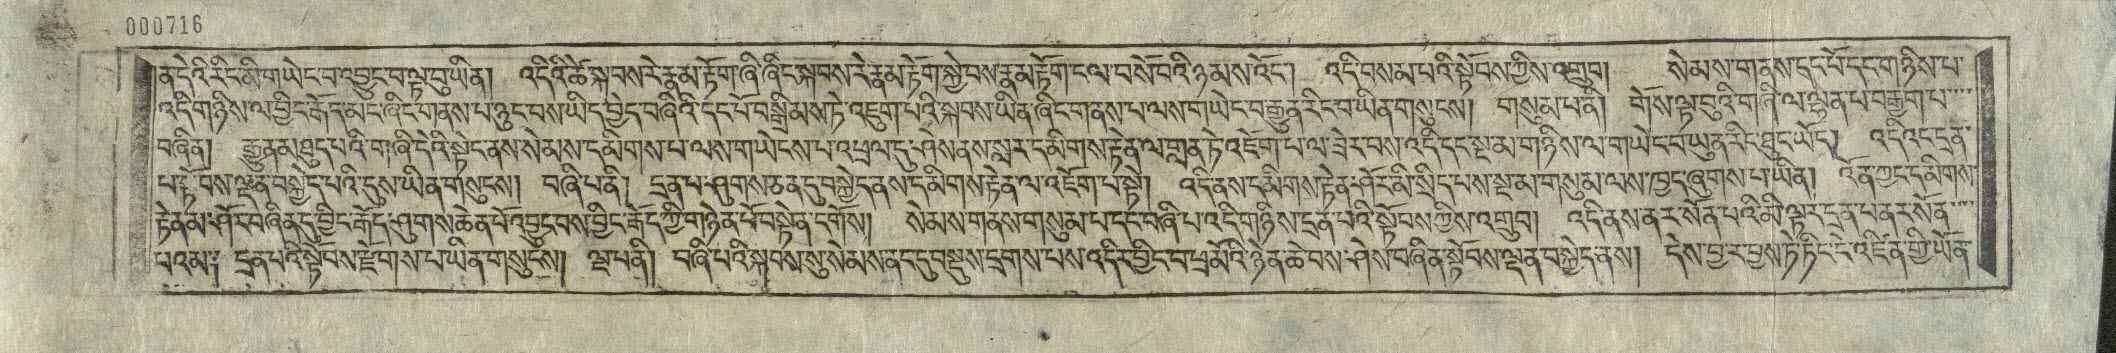ན་དེའི་རིང་མི་གཡེང་བ་འབྱུང་བ་ལྟ་བུ་ཡིན། འདིའི་ཚེ་སྐབས་རེ་རྣམ་རྟོག་ཞི་ཞིང་སྐབས་རེ་རྣམ་རྟོག་སྐྱེ་བས་རྣམ་རྟོག་ངལ་བསོ་བའི་ཉམས་འོང་། འདི་བསམ་པའི་སྟོབས་ཀྱིས་འགྲུབ། སེམས་གནས་དང་པོ་དང་གཉིས་པ་
འདི་གཉིས་ལ་བྱིང་རྒོད་མང་ཞིང་གནས་པ་ཉུང་བས་ཡིད་བྱེད་བཞིའི་དང་པོ་བསྒྲིམས་ཏེ་འཇུག་པའི་སྐབས་ཡིན་ཞིང་གནས་པ་ལས་གཡེང་བ་རྒྱུན་རིང་བ་ཡིན་གསུངས། གསུམ་པ་ནི། གོས་ལྟ་བུའི་གཞི་ལ་ལྷན་པ་བརྒྱག་པ་
བཞིན། རྒྱུན་མཐུད་པའི་གཞི་དེའི་སྟེང་ནས་སེམས་དམིགས་པ་ལས་གཡེངས་པ་འཕྲལ་དུ་ཤེས་ནས་སླར་དམིགས་རྟེན་ལ་གླན་ཏེ་འཇོག་པ་ལ་ཟེར་བས་འདི་དང་སྔ་མ་གཉིས་ལ་གཡེང་བ་ཡུན་རིང་ཐུང་ཡོད། འདིའང་དྲན་
པ་སྟོབས་ལྡན་བསྐྱེད་པའི་དུས་ཡིན་གསུངས། བཞི་པ་ནི། དྲན་པ་ཤུགས་ཅན་དུ་བསྐྱེད་ནས་དམིགས་རྟེན་ལ་འཇོག་པ་སྟེ། འདི་ནས་དམིགས་རྟེན་ཤོར་མི་སྲིད་པས་སྔ་མ་གསུམ་ལས་ཁྱད་ཞུགས་པ་ཡིན། འོན་ཀྱང་དམིགས་
རྟེན་མ་ཤོར་བཞིན་དུ་བྱིང་རྒོད་ཤུགས་ཆེན་པོ་འབྱུང་བས་བྱིང་རྒོད་ཀྱི་གཉེན་པོ་བསྟེན་དགོས། སེམས་གནས་གསུམ་པ་དང་བཞི་པ་འདི་གཉིས་དྲན་པའི་སྟོབས་ཀྱིས་འགྲུབ། འདི་ནས་ནར་སོན་པའི་མི་ལྟར་དྲན་པ་ནར་སོན་
པའམ༑ དྲན་པའི་སྟོབས་རྫོགས་པ་ཡིན་གསུངས། ལྔ་པ་ནི། བཞི་པའི་སྐབས་སུ་སེམས་ནང་དུ་བསྡུས་དྲགས་པས་འདིར་བྱིང་བ་ཕྲ་མོའི་ཉེན་ཆེ་བས་ཤེས་བཞིན་སྟོབས་ལྡན་བསྐྱེད་ནས། དེས་བྱ་ར་བྱས་ཏེ་ཏིང་ངེ་འཛིན་གྱི་ཡོན་